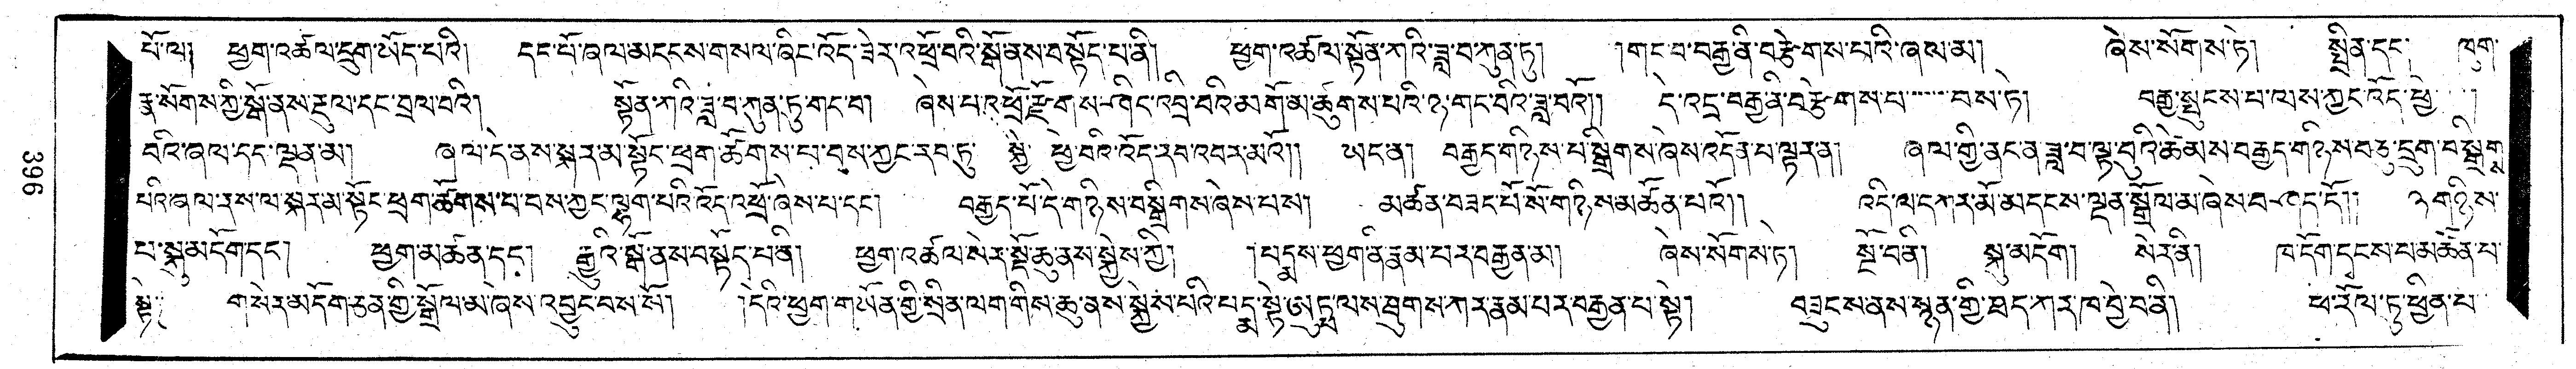པོ་ལ། ཕྱག་འཚལ་དྲུག་ཡོད་པའི། དང་པོ་ཞལ་མདངས་གསལ་ཞིང་འོད་ཟེར་འཕྲོ་བའི་སྒོ་ནས་བསྟོད་པ་ནི། ཕྱག་འཚལ་སྟོན་ཀའི་ཟླ་བ་ཀུན་ཏུ། །གང་བ་བརྒྱ་ནི་བརྩེགས་པའི་ཞལ་མ། ཞེས་སོགས་ཏེ། སྤྲིན་དང་། ཁུག་
རྣ་སོགས་ཀྱི་སྒོ་ནས་རྡུལ་དང་བྲལ་བའི། སྟོན་ཀའི་ཟླ་བ་ཀུན་ཏུ་གང་བ། ཞེས་པ་འཕྲོ་རྫོགས་ཤིང་འབྲི་བའི་མགོ་མ་ཚུགས་པའི་ཉ་གང་བའི་ཟླ་བའོ།། དེ་འདྲ་བརྒྱ་ནི་བརྩེགས་པ་བས་ཏེ། བརྒྱ་སྤུངས་པ་ལས་ཀྱང་འོད་ཕྱེ།
བའི་ཞལ་དང་ལྡན་མ། ཞལ་དེ་ནས་སྐར་མ་སྟོང་ཕྲག་ཚོགས་པ་བས་ཀྱང་རབ་ཏུ་སྐྱེ་ཕྱེ་བའི་འོད་རབ་འབར་མའོ།། ཡང་ན། བརྒྱད་གཉིས་པ་སྒྲིགས་ཞེས་འདོན་པ་ལྟར་ན། ཞལ་གྱི་ནང་ན་ཟླ་བ་ལྟ་བུའི་ཚེམས་བརྒྱད་གཉིས་བཅུ་དྲུག་བསྒྲིགས་
པའི་ཞལ་རས་ལ་སྐར་མ་སྟོང་ཕྲག་ཚོགས་པ་བས་ཀྱང་ལྷག་པའི་འོད་འཕྲོ་ཞེས་པ་དང་། བརྒྱད་པོ་དེ་གཉིས་བསྒྲིགས་ཞེས་པས། མཚན་བཟང་པོ་སོ་གཉིས་མཚོན་པའོ།། འདི་ལ་དཀར་མོ་མདངས་ལྡན་སྒྲོལ་མ་ཞེས་བཤད་དོ།། ཉ་གཉིས་
པ་སྐུ་མདོག་དང་། ཕྱག་མཚན་དང་། རྒྱུའི་སྒོ་ནས་བསྟོད་པ་ནི། ཕྱག་འཚལ་སེར་སྡོ་ཆུ་ནས་སྐྱེས་ཀྱི། །པདམས་ཕྱག་ནི་རྣམ་པར་བརྒྱན་མ། ཞེས་སོགས་ཏེ། སྔོ་བ་ནི། སྐུ་མདོག། སེར་ནི། ཁ་དོག་དྭངས་པ་མཚོན་པ་
སྟེ༑ གསེར་མདོག་ཅན་གྱི་སྒྲོལ་མ་ཞེས་འབྱུང་བས་སོ། །དེའི་ཕྱག་གཡོན་གྱི་སྲིན་ལག་གིས་ཆུ་ནས་སྐྱེས་པའི་པདམ་སྟེ་ཨུཏྤ་ལས་ཐུགས་ཀར་རྣམ་པར་བརྒྱན་པ་སྟེ། བཟུངས་ནས་སྙན་གྱི་ཐད་ཀར་ཁ་བྱེ་བ་ནི། ཕ་རོལ་ཏུ་ཕྱིན་པ་